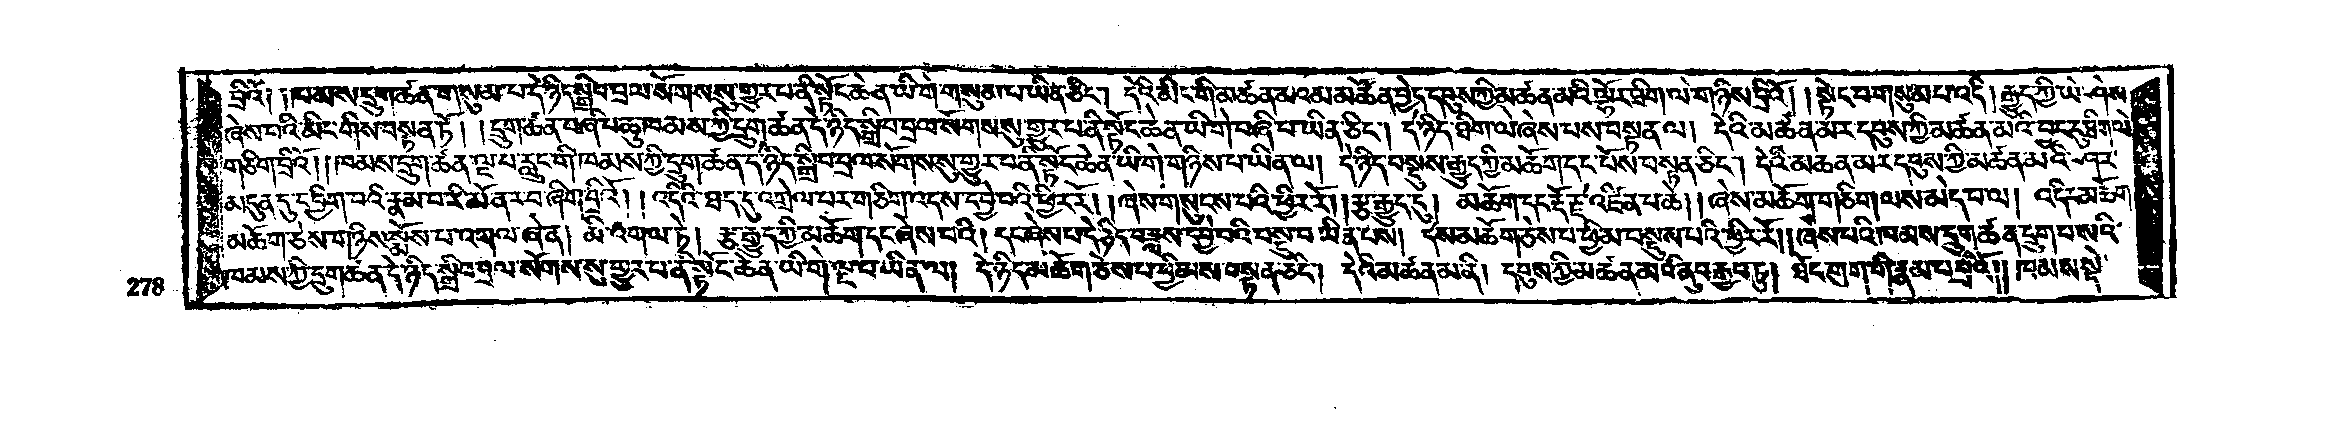བྲིའོ། །ཁམས་དྲུག་ཚན་གསུམ་པ་དེ་ཉིད་སྒྲིབ་བྲལ་སོགས་སུ་གྱུར་པ་ནི་སྟོང་ཆེན་ཡི་གེ་གསུམ་པ་ཡིན་ཅིང་། དེའི་མིང་གི་མཚན་མའམ་མཚོན་བྱེད་དབུས་ཀྱི་མཚན་མའི་ལྷོར་ཐིག་ལེ་གཉིས་བྲིའོ། །སྟོང་པ་གསུམ་པ་འདི། རྒྱུད་ཀྱི་ཡེ་ཤེས་
ཞེས་པའི་མིང་གིས་བསྟན་ཏོ། །དྲུག་ཚན་བཞི་པ་ཆུ་ཁམས་ཀྱི་དྲུག་ཚན་དེ་ཉིད་སྒྲིབ་བྲལ་སོགས་སུ་གྱུར་པ་ནི་སྟོང་ཆེན་ཡི་གེ་བཞི་པ་ཡིན་ཅིང་། དེ་ཉིད་ཐིག་ལེ་ཞེས་པས་བསྟན་ལ། དེའི་མཚན་མར་དབུས་ཀྱི་མཚན་མའི་བྱང་དུ་ཐིག་ལེ་
གཅིག་བྲིའོ། །ཁམས་དྲུག་ཚན་ལྔ་པ་རླུང་གི་ཁམས་ཀྱི་དྲུག་ཚན་དེ་ཉིད་སྒྲིབ་བྲལ་སོགས་སུ་གྱུར་པ་ནི་སྟོང་ཆེན་ཡི་གེ་གཉིས་པ་ཡིན་ལ། དེ་ཉིད་བསྡུས་རྒྱུད་ཀྱི་མཆོག་དང་པོས་བསྟན་ཅིང་། དེའི་མཚན་མར་དབུས་ཀྱི་མཚན་མའི་ཤར་
མདུན་དུ་དབྱིག་པའི་རྣམ་པ་རི་མོ་ནར་བ་ཞིག་བྲིའོ། །འདིའི་ཐད་དུ་འགྲེལ་པར་གཅིག་འདས་དབྱེ་བའི་ཕྱིར་རོ། །ཞེས་གསུངས་པའི་ཕྱིར་རོ། །རྩ་རྒྱུད་དུ། མཆོག་དང་རྡོ་རྗེ་འཛིན་པ་ཆེ། །ཞེས་མཆོག་གཅིག་ལས་མེད་པ་ལ། འདིར་མཆོག་
མཆོག་ཅེས་གཉིས་སྨོས་པ་འགལ་ཞེ་ན། མི་འགལ་ཏེ། རྩ་རྒྱུད་ཀྱི་མཆོག་དང་ཞེས་པའི། དང་ཞེས་པ་དེ་ཉིད་བཟླས་དབྱེ་བའི་བསྡུ་བ་ཡིན་པས། དེས་མཆོག་ཅེས་པ་ཕྱི་མ་བསྡུས་པའི་ཕྱིར་རོ། །ཞེས་པའི་ཁམས་དྲུག་ཚན་དྲུག་པ་སའི་
ཁམས་ཀྱི་དྲུག་ཚན་དེ་ཉིད་སྒྲིབ་བྲལ་སོགས་སུ་གྱུར་པ་ནི་སྟོང་ཆེན་ཡི་གེ་ལྔ་པ་ཡིན་ལ། དེ་ཉིད་མཆོག་ཅེས་པ་ཕྱི་མས་བསྟན་ཅིང་། དེའི་མཚན་མ་ནི། དབུས་ཀྱི་མཚན་མའི་ནུབ་རྒྱབ་ཏུ། ཐོང་གུག་གི་རྣམ་པ་བྲིའོ། །ཁམས་སྡེ་